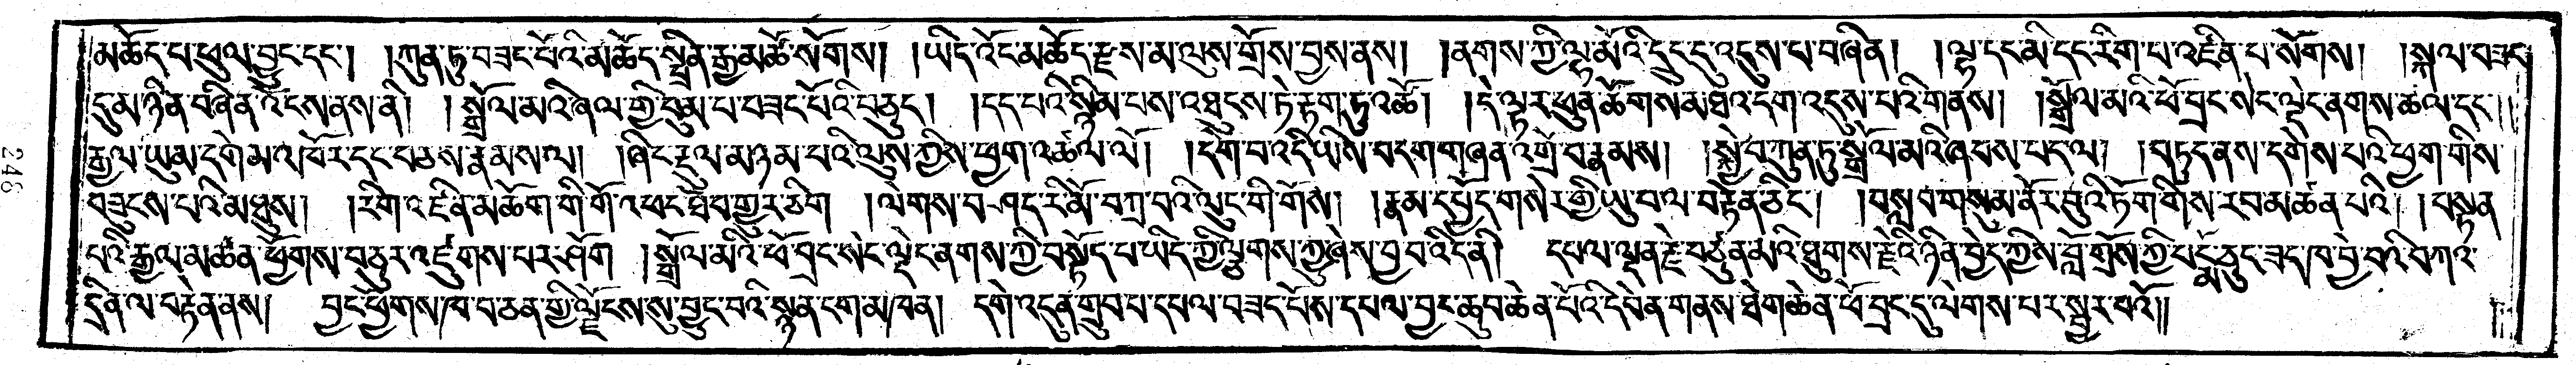མཆོད་པ་ཕུལ་བྱུང་དང་། །ཀུན་ཏུ་བཟང་པོའི་མཆོད་སྤྲིན་རྒྱ་མཚོ་སོགས། །ཡིད་འོང་མཆོད་རྫས་མ་ལུས་གྲོས་བྱས་ནས། །ནགས་ཀྱི་ལྷ་མོའི་དྲུང་དུ་འདུས་པ་བཞིན། །ལྷ་དང་མི་དང་རིག་པ་འཛིན་པ་སོགས། །སྐལ་བཟང་
དུ་མ་ཉིན་བཞིན་འོངས་ནས་ནི། །སྒྲོལ་མའི་ཞལ་གྱི་བུམ་པ་བཟང་པོའི་བཅུད། །དད་པའི་སྙིམ་པས་འཐུངས་ཏེ་རྟག་ཏུ་འཚོ། །དེ་ལྟར་ཕུན་ཚོགས་མཐའ་དག་འདུས་པའི་གནས། །སྒྲོལ་མའི་ཕོ་བྲང་སེང་ལྡེང་ནགས་ཚལ་དང།།
རྒྱལ་ཡུམ་དགེ་མ་འཁོར་དང་བཅས་རྣམས་ལ། །ཞིང་རྡུལ་མཉམ་པའི་ལུས་ཀྱིས་ཕྱག་འཚལ་ལོ། །དགེ་བ་འདི་ཡིས་བདག་གཞན་འགྲོ་བ་རྣམས། །སྐྱེ་བ་ཀུན་ཏུ་སྒྲོལ་མའི་ཞབས་པད་ལ། །བཏུད་ནས་དགེས་པའི་ཕྱག་གིས་
བཟུངས་པའི་མཐུས། །རིག་འཛིན་མཆོག་གི་གོ་འཕང་ཐོབ་གྱུར་ཅིག །ལེགས་བཤད་རི་མོ་བཀྲ་བའི་ལུང་གི་གོས། །རྣམ་དཔྱོད་གསེར་གྱི་ཡུ་བ་ལ་བརྟེན་ཅིང་། །བསླབ་གསུམ་ནོར་བུའི་ཏོག་གིས་རབ་མཚན་པའི། །བསྟན་
པའི་རྒྱལ་མཚན་ཕྱོགས་བཅུར་འཛུགས་པར་ཤོག །སྒྲོལ་མའི་ཕོ་བྲང་སེང་ལྡེང་ནགས་ཀྱི་བསྟོད་པ་ཡིད་ཀྱི་ལྕགས་ཀྱུ་ཞེས་བྱ་བ་འདི་ནི། དཔལ་ལྡན་རྗེ་བཙུན་མའི་ཐུགས་རྗེའི་ཉིན་བྱེད་ཀྱིས་བློ་གྲོས་ཀྱི་པདམོ་ཅུང་ཟད་ཁ་བྱེ་བའི་བཀའ་
དྲིན་ལ་བརྟེན་ནས། བྱང་ཕྱོགས་ཁ་བ་ཅན་གྱི་ལྗོངས་སུ་བྱུང་བའི་སྙན་ངག་མཁན། དགེ་འདུན་གྲུབ་པ་དཔལ་བཟང་པོས་དཔལ་བྱང་ཆུབ་ཆེན་པོའི་དབེན་གནས་ཐེག་ཆེན་ཕོ་བྲང་དུ་ལེགས་པར་སྦྱར་བའོ།། །།